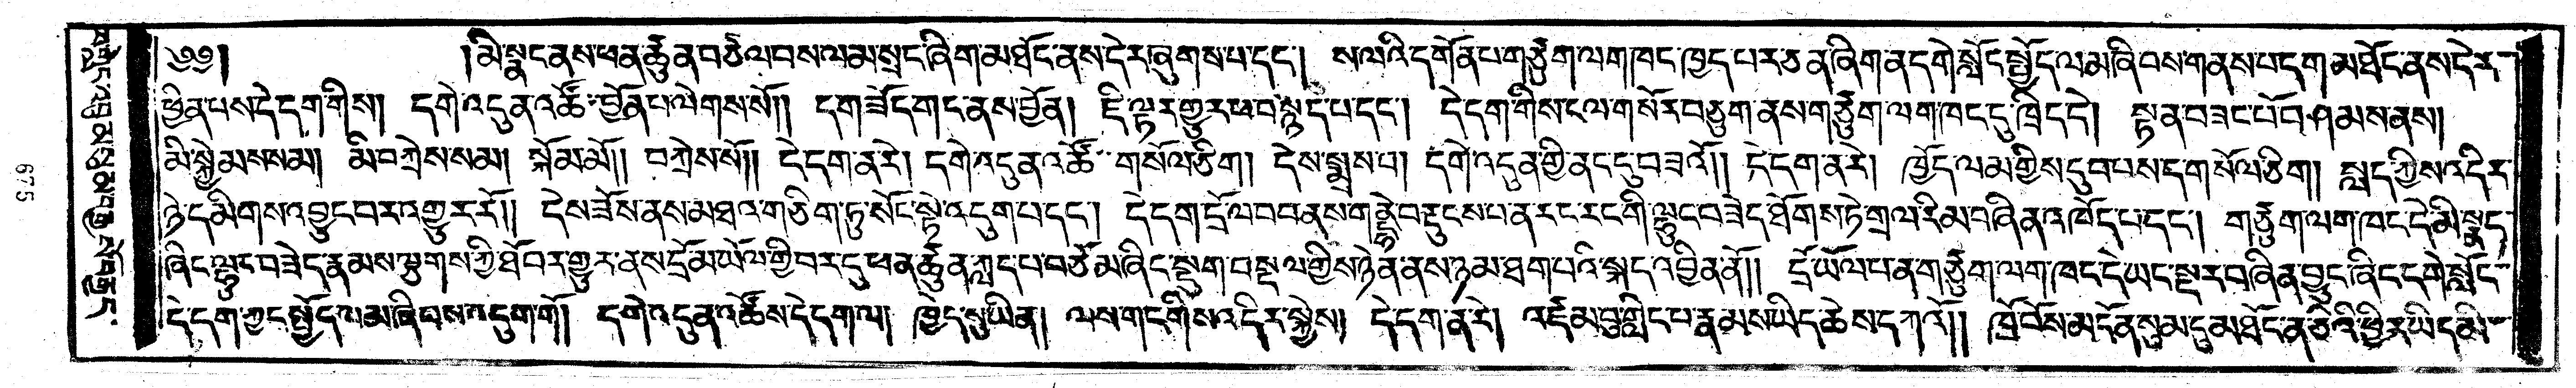༄༅། །མི་སྣང་ནས་ཕན་ཚུན་བཙལ་བས་ལམ་སྲང་ཞིག་མཐོང་ནས་དེར་ཞུགས་པ་དང་། ས་ལའི་དགོན་པ་གཙུག་ལག་ཁང་ཁྱད་པར་ཅན་ཞིག་ན་དགེ་སློང་སྤྱོད་ལམ་ཞི་བས་གནས་པ་དག་མཐོང་ནས་དེར་
ཕྱིན་པས་དེ་དག་གིས། དགེ་འདུན་འཚོ་བྱོན་པ་ལེགས་སོ།། ད་གཟོད་གང་ནས་བྱོན། ཇི་ལྟར་གྱུར་པ་བསྙད་པ་དང་། དེ་དག་གིས་ངལ་གསོར་བཅུག་ནས་གཙུག་ལག་ཁང་དུ་ཁྲིད་དེ། སྟན་བཟང་པོ་བཤམས་ནས།
མི་སྐྱེམས་སམ། མི་བཀྲེས་སམ། སྐོམ་མོ།། བཀྲེས་སོ།། དེ་དག་ན་རེ། དགེ་འདུན་འཚོ་གསོལ་ཅིག། དེས་སྨྲས་པ། དགེ་འདུན་གྱི་ནང་དུ་བཟའོ།། དེ་དག་ན་རེ། ཁྱོད་ལམ་གྱིས་དུབ་པས་ད་གསོལ་ཅིག། སླད་ཀྱིས་འདིར་
ཉེ་དམིགས་འབྱུང་བར་འགྱུར་རོ།། དེས་ཟོས་ནས་མཐའ་གཅིག་ཏུ་སོང་སྟེ་འདུག་པ་དང་། དེ་དག་དྲོ་ལ་བབ་ནས་གནྡྷེ་བརྡུངས་པ་ན་རང་རང་གི་ལྷུང་བཟེད་ཐོགས་ཏེ་གྲལ་རིམ་བཞིན་འཁོད་པ་དང་། གཙུག་ལག་ཁང་དེ་མི་སྣང་
ཞིང་ལྷུང་བཟེད་རྣམས་ལྕགས་ཀྱི་ཐོ་བར་གྱུར་ནས་དྲོ་མ་ཡོལ་གྱི་བར་དུ་ཕན་ཚུན་ཀླད་པ་བཅོམ་ཞིང་སྡུག་བསྔལ་གྱིས་ཉེན་ནས་ཉམ་ཐག་པའི་སྐད་འབྱིན་ནོ།། དྲོ་ཡོལ་པ་ན་གཙུག་ལག་ཁང་དེ་ཡང་སྔར་བཞིན་བྱུང་ཞིང་དགེ་སློང་
དེ་དག་ཀྱང་སྤྱོད་ལམ་ཞིབས་འདུག་གོ། དགེ་འདུན་འཚོས་དེ་དག་ལ། ཁྱེད་སུ་ཡིན། ལས་གང་གིས་འདིར་སྐྱེས། དེ་དག་ན་རེ། འཛམ་བུ་གླིང་པ་རྣམས་ཡིད་ཆེས་དཀའོ།། ཁྲོ་བོས་མངོན་སུམ་དུ་མཐོང་ན་ཅིའི་ཕྱིར་ཡིད་མི་